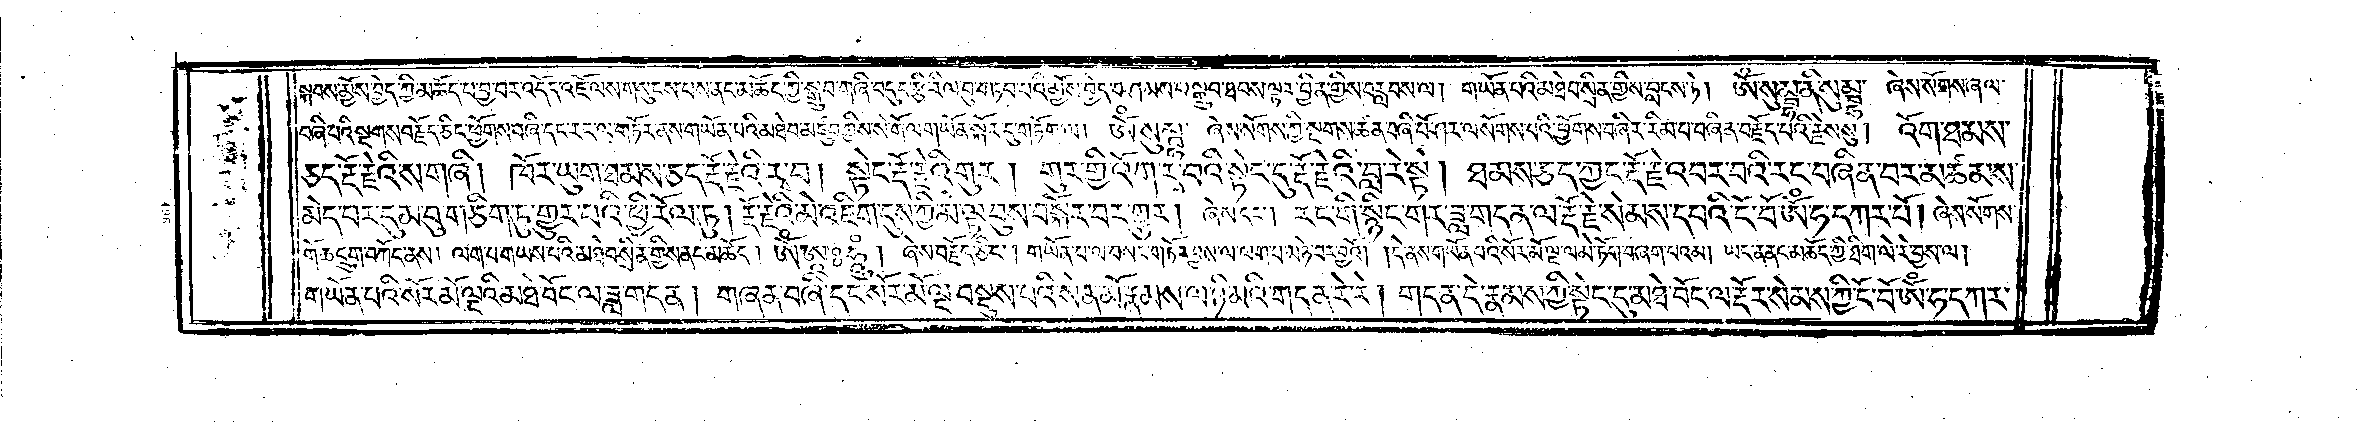སྐབས་མྱོས་བྱེད་ཀྱི་མཆོད་པ་བྱ་བར་འདོད་འཇོ་ལས་གསུངས་པས་ནང་མཆོད་ཀྱི་སྒྲུབ་གཞི་བདུད་རྩི་རིལ་བུ་བཏབ་པའི་མྱོང་བྱེད་བཤམས་པ་སྒྲུབ་ཐབས་ལྟར་བྱིན་གྱིས་བརླབས་ལ། གཡོན་པའི་མཐིབ་སྲིན་གྱིས་བླངས་ཏེ། ཨོཾ་སུམྦྷ་ནི་སུམྦྷ་ཞེས་སོགས་ཞལ་
བཞི་པའི་སྔགས་བརྗོད་ཅིང་ཕྱོགས་བཞི་དང་རང་ལ་གཏོར་ནས་གཡོན་པའི་མཐེབ་མཛུབ་ཀྱིས་སེ་གོལ་གཡོན་སྐོར་དུ་གཏོག་ལ། ཨོཾ་སུམྦྷ་ཞེས་སོགས་ཀྱི་སྔགས་ཚན་བཞི་པོ་ཤར་ལ་སོགས་པའི་ཕྱོགས་བཞིར་རིམ་པ་བཞིན་བརྗོད་པའི་རྗེས་སུ།  འོག་ཐམས་
ཅད་རྡོ་རྗེའི་ས་གཞི། ཁོར་ཡུག་ཐམས་ཅད་རྡོ་རྗེའི་རྭ་བ། སྟེང་རྡོ་རྗེའི་གྱུར། གུར་གྱི་འོག་རྭ་བའི་སྟེང་དུ་རྡོ་རྗེའི་བླ་རེ་སྟེ། ཐམས་ཅད་ཀྱང་རྡོ་རྗེ་འབར་བའི་རང་བཞིན་བར་མཚམས་
མེད་པར་དུམ་བུ་གཅིག་ཏུ་གྱུར་པའི་ཕྱི་རོལ་ཏུ། རྡོ་རྗེའི་མེ་འཇིག་དུས་ཀྱི་མེ་ལྟ་བུས་བསྐོར་བར་གྱུར། ཞེས་དང་།  རང་གི་སྙིང་གར་ཟླ་གདན་ལ་རྡོ་རྗེ་སེམས་དཔའི་ངོ་བོ་ཨོཾ་ཧ་དཀར་པོ། ཞེས་སོགས་
གོ་ཆ་དྲུག་བཀོད་ནས། ལག་པ་གཡས་པའི་མཐེབ་སྲིན་གྱིས་ནང་མཆོད། ཨོཾ་ཨཱཿཧཱུཾ། ཞེས་བརྗོད་ཅིང་། གཡོན་པ་ལ་བསང་གཏོར་བྱས་ལ་ལག་པ་མཉེ་བར་བྱའོ། །དེ་ནས་གཡོན་པའི་སོར་མོ་ལྔ་ལ་མེ་ཏོག་བཞག་པའམ། ཡང་ན་ནང་མཆོད་ཀྱི་ཐིག་ལེ་རེ་བྱས་ལ།
གཡོན་པའི་སོར་མོ་ལྔའི་མཐེ་བོང་ལ་ཟླ་གདན། གཞན་བཞི་དང་སོར་མོ་ལྔ་བསྡུས་པའི་སེན་མོ་རྣམས་ལ་ཉི་མའི་གདན་རེ་རེ། གདན་དེ་རྣམས་ཀྱི་སྟེང་དུ་མཐེ་བོང་ལ་རྡོར་སེམས་ཀྱི་ངོ་བོ་ཨོཾ་ཧ་དཀར་